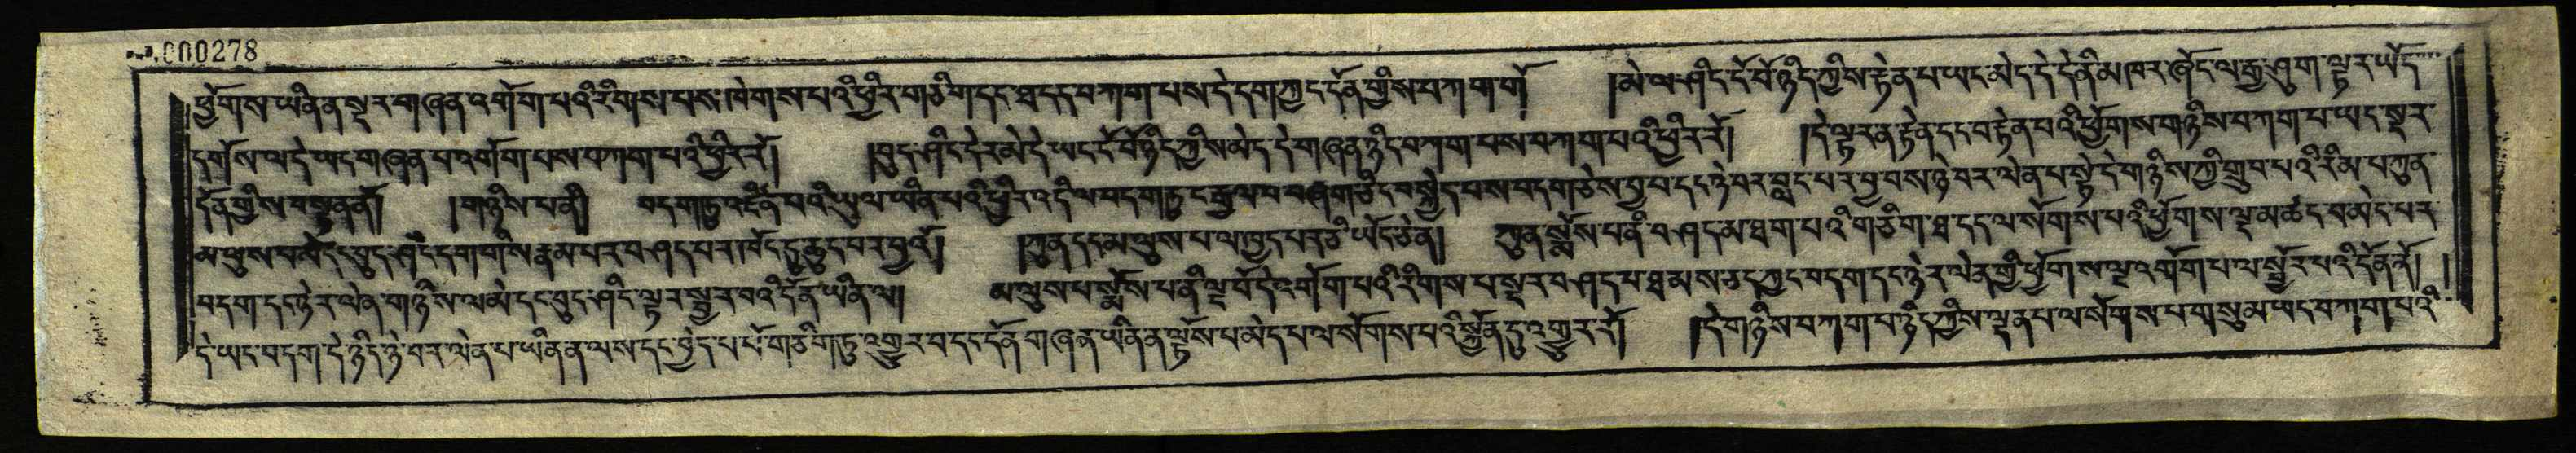ཕྱོགས་ཡིན་ན་སྔར་གཞན་འགོག་པའི་རིགས་པས་ཁེགས་པའི་ཕྱིར་གཅིག་དང་ཐ་དད་བཀག་པས་དེ་དག་ཀྱང་དོན་གྱིས་བཀག་གོ །མེ་ལ་ཤིང་ངོ་བོ་ཉིད་ཀྱིས་རྟེན་པ་ཡང་མེད་དེ་དེ་ནི་མཁར་ཞོང་ལ་རྒྱ་ཤུག་ལྟར་ཡོད་
དགོས་ལ་དེ་ཡང་གཞན་པ་འགོག་པས་བཀག་པའི་ཕྱིར་རོ། །བུད་ཤིང་དེར་མེ་དེ་ཡང་ངོ་བོ་ཉིད་ཀྱིས་མེད་དེ་གཞན་ཉིད་བཀག་པས་བཀག་པའི་ཕྱིར་རོ། །དེ་ལྟར་ན་རྟེན་དང་བརྟེན་པའི་ཕྱོགས་གཉིས་བཀག་པ་ཡང་སྔར་
དོན་གྱིས་བསྟན་ནོ། །གཉིས་པ་ནི། བདག་ཏུ་འཛིན་པའི་ཡུལ་ཡིན་པའི་ཕྱིར་འདི་ལ་བདག་ཏུ་ང་རྒྱལ་བ་བཞག་ཅིང་བསྐྱེད་པས་བདག་ཅེས་བྱ་བ་དང་ཉེ་བར་བླང་བར་བྱ་བས་ཉེ་བར་ལེན་པ་སྟེ་དེ་གཉིས་ཀྱི་གྲུབ་པའི་རིམ་པ་ཀུན་
མ་ལུས་པ་མེ་དང་བུད་ཤིང་དག་གིས་རྣམ་པར་བཤད་པར་ཁོང་དུ་ཆུད་པར་བྱའོ། །ཀུན་དང་མ་ལུས་པ་ལ་ཁྱད་པར་ཅི་ཡོད་ཅེ་ན། ཀུན་སྨོས་པ་ནི་བཤད་མ་ཐག་པའི་གཅིག་ཐ་དད་ལ་སོགས་པའི་ཕྱོགས་ལྔ་མ་ཚང་བ་མེད་པར་
བདག་དང་ཉེར་ལེན་གཉིས་ལ་མེ་དང་བུད་ཤིང་ལྟར་སྦྱར་བའི་དོན་ཡིན་ལ། མ་ལུས་པ་སྨོས་པ་ནི་ལྔ་པོ་དེ་འགོག་པའི་རིགས་པ་སྔར་བཤད་པ་ཐམས་ཅད་ཀྱང་བདག་དང་ཉེར་ལེན་གྱི་ཕྱོགས་ལྔ་འགོག་པ་ལ་སྦྱོར་པའི་དོན་ནོ། །
དེ་ཡང་བདག་དེ་ཉིད་ཉེ་བར་ལེན་པ་ཡིན་ན་ལས་དང་བྱེད་པ་པོ་གཅིག་ཏུ་འགྱུར་བ་དང་དོན་གཞན་ཡིན་ན་ལྟོས་པ་མེད་པ་ལ་སོགས་པའི་སྐྱོན་དུ་འགྱུར་རོ། །དེ་གཉིས་བཀག་པ་ཉིད་ཀྱིས་ལྡན་པ་ལ་སོགས་པ་གསུམ་ཡང་བཀག་པའི་